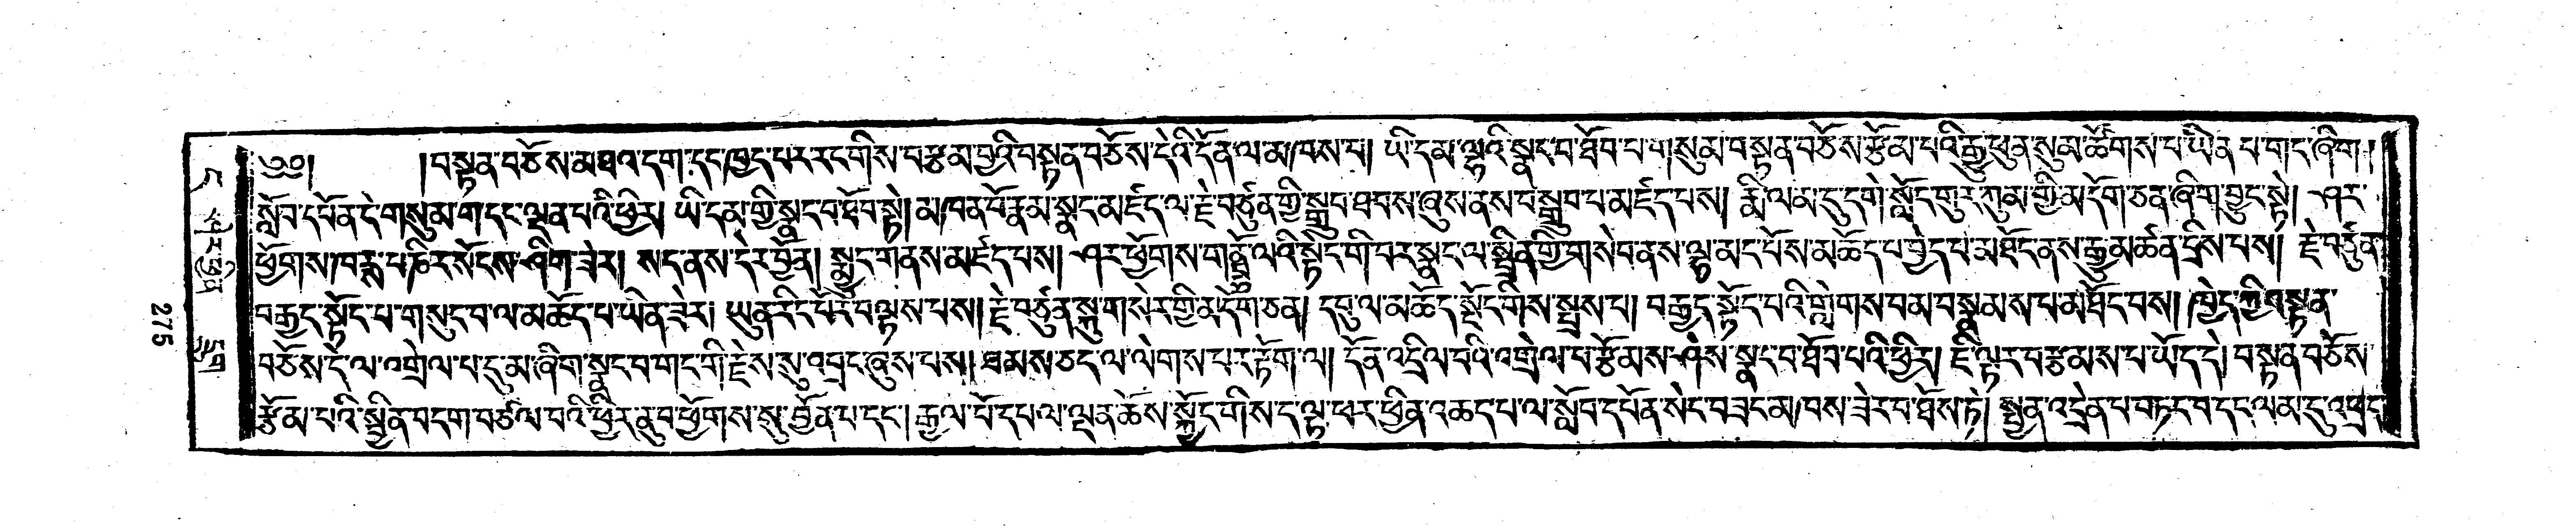༄༅། །བསྟན་བཅོས་མཐའ་དག་དང་ཁྱད་པར་རང་གིས་བརྩམ་བྱའི་བསྟན་བཅོས་དེའི་དོན་ལ་མཁས་པ། ཡི་དམ་ལྷའི་སྣང་བ་ཐོབ་པ་གསུམ་བསྟན་བཅོས་རྩོམ་པའི་རྒྱུ་ཕུན་སུམ་ཚོགས་པ་ཡིན་པ་གང་ཞིག །
སློབ་དཔོན་དེ་གསུམ་ག་དང་ལྡན་པའི་ཕྱིར། ཡི་དམ་གྱི་སྣང་བ་ཐོབ་སྟེ། མཁན་པོ་རྣམ་སྣང་མཛད་ལ་རྗེ་བཙུན་གྱི་སྒྲུབ་ཐབས་ཞུས་ནས་བསྒྲུབ་པ་མཛད་པས། རྨི་ལམ་དུ་དགེ་སློང་གུར་ཀུམ་གྱི་མདོག་ཅན་ཞིག་བྱུང་སྟེ། ཤར་
ཕྱོགས་ཁར་ས་པ་ཎིར་སོངས་ཤིག་ཟེར། སད་ནས་དེར་བྱོན། སྨྱུང་གནས་མཛད་པས། ཤར་ཕྱོགས་གནྡྷོ་ལའི་སྟེང་གི་བར་སྣང་ལ་སྤྲིན་གྱི་གསེབ་ནས་ལྷ་མང་པོས་མཆོད་པ་བྱེད་པ་མཐོང་ནས་རྒྱུ་མཚན་དྲིས་པས། རྗེ་བཙུན་
བརྒྱད་སྟོང་པ་གསུང་བ་ལ་མཆོད་པ་ཡིན་ཟེར། ཡུན་རིང་པོར་བལྟས་པས། རྗེ་བཙུན་སྐུ་གསེར་གྱི་མདོག་ཅན། དབུ་ལ་མཆོད་སྡོང་གིས་སྤྲས་པ། བརྒྱད་སྟོང་པའི་གླེགས་བམ་བསྣམས་པ་མཐོང་བས། ཁྱེད་ཀྱི་བསྟན་
བཅོས་དེ་ལ་འགྲེལ་པ་དུ་མ་ཞིག་སྣང་བ་གང་གི་རྗེས་སུ་འབྲང་ཞུས་པས། ཐམས་ཅད་ལ་ལེགས་པར་རྟོག་ལ། དོན་འདྲིལ་བའི་འགྲེལ་པ་རྩོམས་ཤེས་སྣང་བ་ཐོབ་པའི་ཕྱིར། ཇི་ལྟར་བརྩམས་པ་ཡོད་དེ། བསྟན་བཅོས་
རྩོམ་པའི་སྦྱིན་བདག་བཙལ་བའི་ཕྱིར་ནུབ་ཕྱོགས་སུ་བྱོན་པ་དང་། རྒྱལ་པོ་དཔལ་ལྡན་ཆོས་སྐྱོང་གིས་ད་ལྟ་ཕར་ཕྱིན་འཆད་པ་ལ་སློབ་དཔོན་སེང་འབྲང་མཁས་ཟེར་བ་ཐོས་ཏེ། སྤྱན་འདྲེན་པ་བཏང་བ་དང་ལམ་དུ་འཕྲད་